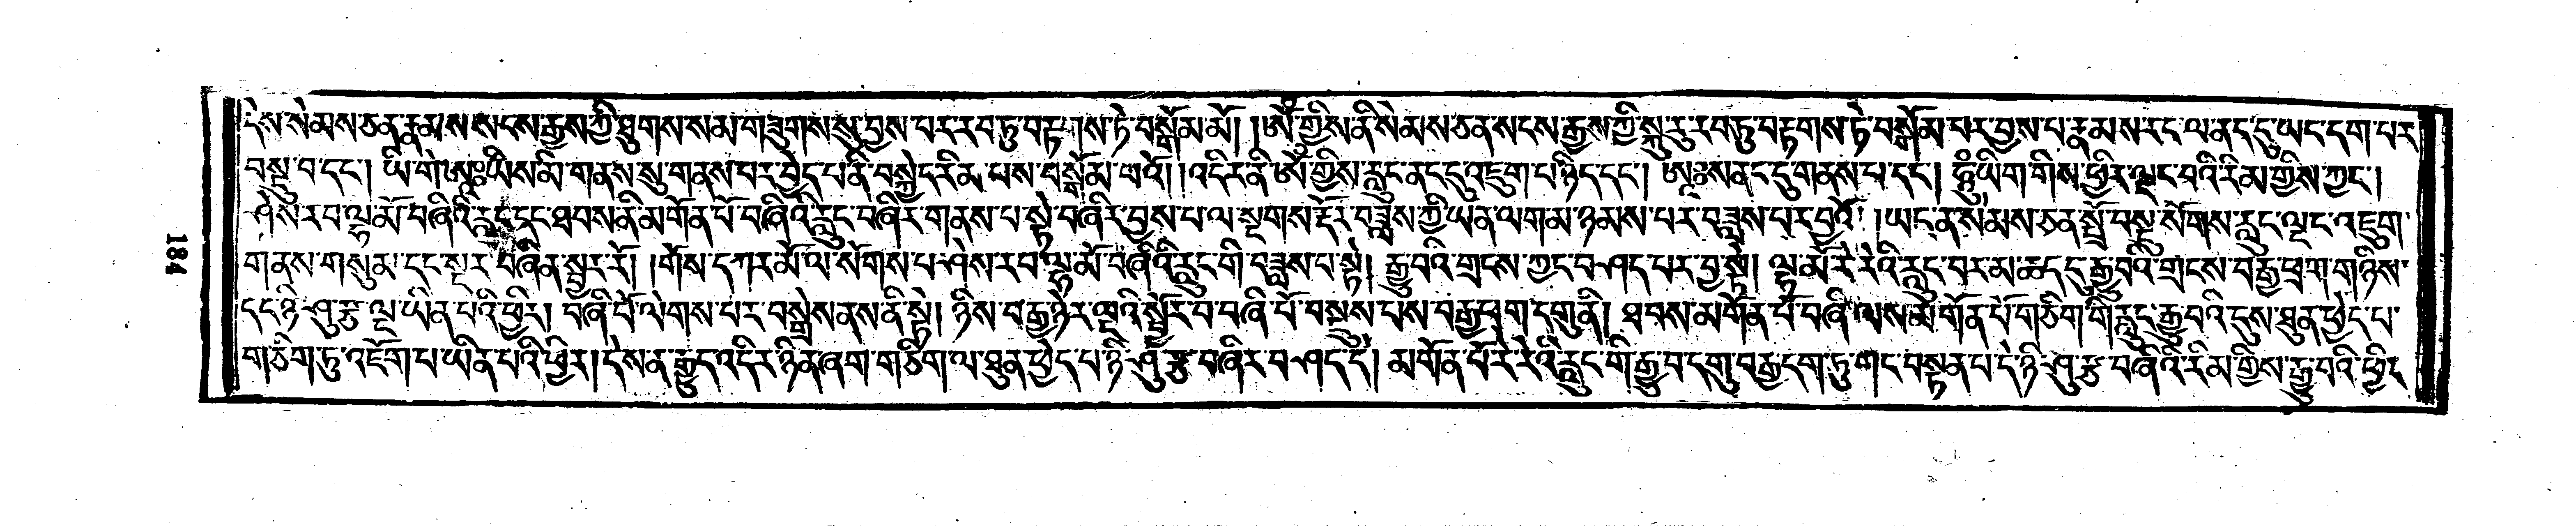དེས་སེམས་ཅན་རྣམས་སངས་རྒྱས་ཀྱི་ཐུགས་སམ་གཟུགས་སུ་བྱས་པར་རབ་ཏུ་བརྟགས་ཏེ་བསྒོམ་མོ། །ཨོཾ་གྱིས་ནི་སེམས་ཅན་སངས་རྒྱས་ཀྱི་སྐུ་རུ་རབ་ཏུ་བརྟགས་ཏེ་བསྒོམ་པར་བྱས་པ་རྣམས་རང་ལ་ནང་དུ་ཡང་དག་པར་
བསྡུ་བ་དང་། ཡི་གེ་ཨཱཿ ཡིས་མི་གནས་སུ་གནས་པར་བྱེད་པ་ནི་བསྐྱེད་རིམ་པས་བསྒོམ་པའོ། །འདིར་ནི་ཨོཾ་གྱིས་རླུང་ནང་དུ་འཇུག་པ་ཉིད་དང་། ཨཱཿ ས་ནང་དུ་གནས་པ་དང་། ཧཱུཾ་ཡིག་གིས་ཕྱིར་ལྡང་བའི་རིམ་གྱིས་ཀྱང་།
ཤེས་རབ་ལྷ་མོ་བཞིའི་རླུང་དང་ཐབས་ནི་མགོན་པོ་བཞིའི་རླུང་བཞིར་གནས་པ་སྟེ་བཞིར་བྱས་པ་ལ་སྔགས་རྡོར་བཟླས་ཀྱི་ཡན་ལག་མ་ཉམས་པར་བཟླས་པར་བྱའོ། །ཡང་ན་སེམས་ཅན་སྤྲོ་བསྡུ་སོགས་རླུང་ལྡང་འཇུག་
གནས་གསུམ་དང་སྔར་བཞིན་སྦྱར་རོ། །གོས་དཀར་མོ་ལ་སོགས་པ་ཤེས་རབ་ལྷ་མོ་བཞིའི་རླུང་གི་བཟླས་པ་སྟེ། རྒྱུ་བའི་གྲངས་ཀྱང་བཤད་པར་བྱ་སྟེ། ལྷ་མོ་རེ་རེའི་རླུང་བར་མ་ཆད་དུ་རྒྱུ་བའི་གྲངས་བརྒྱ་ཕྲག་གཉིས་
དང་ཉི་ཤུ་རྩ་ལྔ་ཡིན་པའི་ཕྱིར། བཞི་པོ་ལེགས་པར་བསྒྲེས་ནས་ནི་སྟེ། ཉིས་བརྒྱ་ཉེར་ལྔའི་སྦྱོར་བ་བཞི་པོ་བསྡུས་པས་བརྒྱ་ཕྲག་དགུ་ནི། ཐབས་མགོན་པོ་བཞི་ལས་མགོན་པོ་གཅིག་གི་རླུང་རྒྱུ་བའི་དུས་ཐུན་ཕྱེད་པ་
གཅིག་ཏུ་འཇོག་པ་ཡིན་པའི་ཕྱིར། དེས་ན་རྒྱུད་འདིར་ཉིན་ཞག་གཅིག་ལ་ཐུན་ཕྱེད་པ་ཉི་ཤུ་རྩ་བཞིར་བཤད་པ། མགོན་པོ་རེ་རེའི་རླུང་གི་རྒྱུ་བ་དགུ་བརྒྱ་དག་ཏུ་གང་བསྟན་པ་དེ་ཉི་ཤུ་རྩ་བཞིའི་རིམ་གྱིས་རྒྱུ་བའི་ཕྱིར་